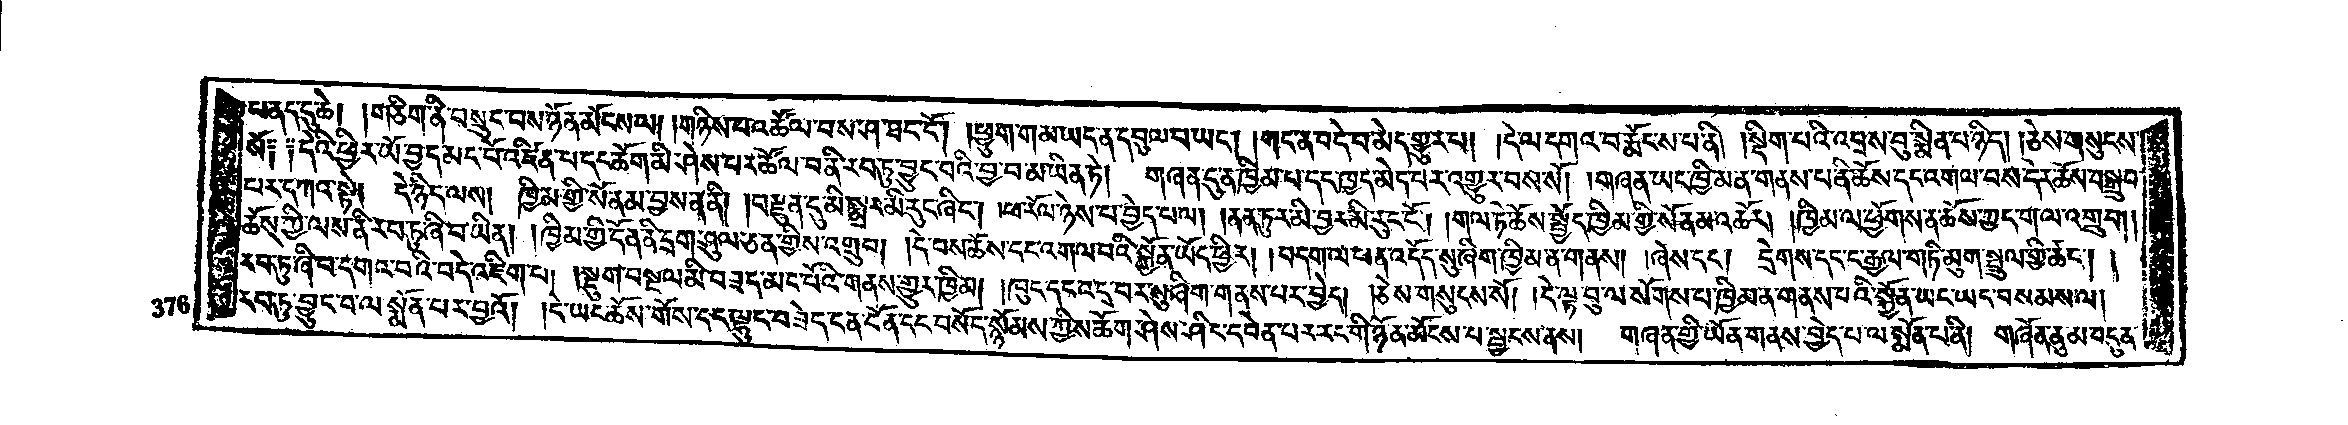པ་ནད་དུ་ཆེ། །གཅིག་ནི་བསྲུང་བས་ཉོན་མོངས་ལ། །གཉིས་པ་འཚོལ་བས་ཤ་ཐང་ངོ། །ཕྱུག་གམ་ཡང་ན་དབུལ་བ་ཡང་། །གང་ན་བདེ་བ་མེད་གྱུར་པ། །དེ་ལ་དགའ་བ་རྨོངས་བ་ནི། །སྡིག་པའི་འབྲས་བུ་སྨིན་པ་ཉིད། །ཅེས་གསུངས་
སོ༑ ༑དེའི་ཕྱིར་ཡོ་བྱད་མང་པོ་འཛིན་པ་དང་ཆོག་མི་ཤེས་པར་ཚོལ་བ་ནི་རབ་ཏུ་བྱུང་བའི་བྱ་བ་མ་ཡིན་ཏེ། གཞན་དུ་ན་ཁྱིམ་པ་དང་ཁྱད་མེད་པར་འགྱུར་བས་སོ། །གཞན་ཡང་ཁྱིམ་ན་གནས་པ་ནི་ཆོས་དང་འགལ་བས་དེར་ཆོས་བསྒྲུབ་
པར་དཀའ་སྟེ། དེ་ཉིད་ལས། ཁྱིམ་གྱི་སོ་ནམ་བྱས་ན་ནི། །བརྫུན་དུ་མི་སྨྲར་མི་རུང་ཞིང་། །ཕ་རོལ་ཉེས་པ་བྱེད་པ་ལ། །ནན་ཏུར་མི་བྱར་མི་རུང་ངོ། །གལ་ཏེ་ཆོས་སྤྱོད་ཁྱིམ་གྱི་སོ་ནམ་འཆོར། །ཁྱིམ་ལ་ཕྱོགས་ན་ཆོས་ཀྱང་ག་ལ་འགྲུབ། །
ཆོས་ཀྱི་ལས་ནི་རབ་ཏུ་ཞི་བ་ཡིན། །ཁྱིམ་གྱི་དོན་ནི་དྲག་ཤུལ་ཅན་གྱིས་འགྲུབ། །དེ་བས་ཆོས་དང་འགལ་བའི་སྐྱོན་ཡོད་ཕྱིར། །བདག་ལ་ཕན་འདོད་སུ་ཞིག་ཁྱིམ་ན་གནས། །ཞེས་དང་། དྲེགས་དང་ང་རྒྱལ་གཏི་མུག་སྦྲུལ་གྱི་ཚང་། །
རབ་ཏུ་ཞི་བ་དགའ་བའི་བདེ་འཇིག་པ། །སྡུག་བསྔལ་མི་བཟད་མང་པོའི་གནས་གྱུར་ཁྱིམ། །ཁུང་དང་འདྲ་བར་སུ་ཞིག་གནས་པར་བྱེད། །ཅེས་གསུངས་སོ། །དེ་ལྟ་བུ་ལ་སོགས་པ་ཁྱིམ་ན་གནས་པའི་སྐྱོན་ཡང་ཡང་བསམས་ལ།
རབ་ཏུ་བྱུང་བ་ལ་སྨོན་པར་བྱའོ། །དེ་ཡང་ཆོས་གོས་དང་ལྷུང་བཟེད་ངན་ངོན་དང་བསོད་སྙོམས་ཀྱིས་ཆོག་ཤེས་ཤིང་དབེན་པར་རང་གི་ཉོན་མོངས་པ་སྦྱངས་ནས། གཞན་གྱི་ཡོན་གནས་བྱེད་པ་ལ་སྨོན་པ་ནི། གཞོན་ནུ་མ་བདུན་